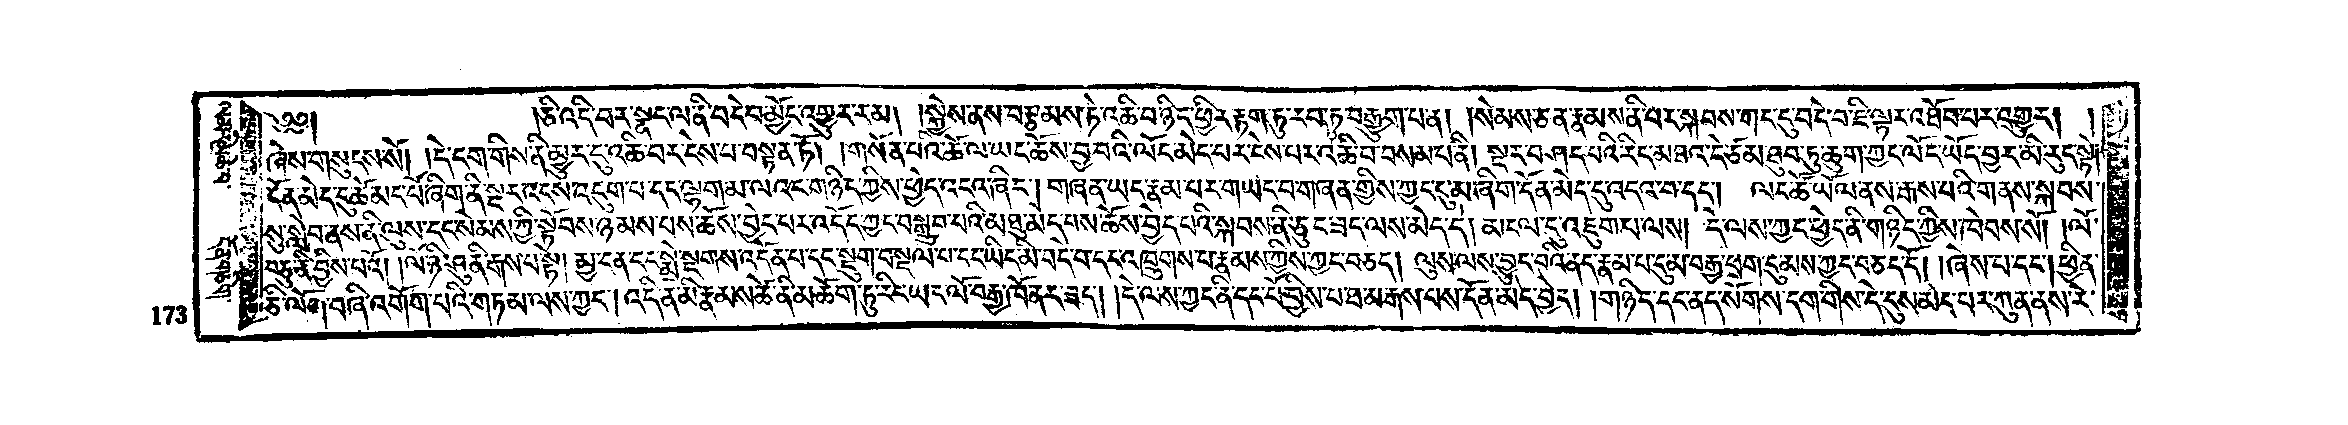༄༅། །ཅི་འདི་བར་སྣང་ལ་ནི་བདེ་བ་མྱོང་འགྱུར་རམ། །སྐྱེས་ནས་བརྩམས་ཏེ་འཆི་བ་ཉིད་ཕྱིར་རྟག་ཏུ་རབ་ཏུ་བརྒྱུག་པ་ན། །སེམས་ཅན་རྣམས་ནི་བར་སྐབས་གང་དུ་བདེ་བ་ཇི་ལྟར་འཐོབ་པར་འགྱུར། །
ཞེས་གསུངས་སོ། །དེ་དག་གིས་ནི་མྱུར་དུ་འཆི་བར་ངེས་པ་བསྟན་ཏོ། །གསོན་པའི་ཆོ་ལ་ཡང་ཆོས་བྱ་བའི་ལོང་མེད་པར་ངེས་པར་འཆི་བ་བསམ་པ་ནི། སྔར་བཤད་པའི་རིང་མཐའ་དེ་ཙམ་ཐུབ་ཏུ་ཆུག་ཀྱང་ལོང་ཡོད་བྱར་མི་རུང་སྟེ།
དོན་མེད་དུ་ཚེ་མང་པོ་ཞིག་ནི་སྔར་འདས་འདུག་པ་དང་ལྷག་མ་ལའང་གཉིད་ཀྱིས་ཕྱེད་འདའ་ཞིང་། གཞན་ཡང་རྣམ་པར་གཡེང་བ་གཞན་གྱིས་ཀྱང་དུ་མ་ཞིག་དོན་མེད་དུ་འདའ་བ་དང་། ལང་ཚོ་ཡོལ་ནས་རྒས་པའི་གནས་སྐབས་
སུ་སླེབ་ནས་ནི་ལུས་དང་སེམས་ཀྱི་སྟོབས་ཉམས་པས་ཆོས་བྱེད་པར་འདོད་ཀྱང་བསྒྲུབ་པའི་མཐུ་མེད་པས་ཆོས་བྱེད་པའི་སྐབས་ནི་ཅུང་ཟད་ལས་མེད་དེ། མངལ་དུ་འཇུག་པ་ལས། དེ་ལས་ཀྱང་ཕྱེད་ནི་གཉིད་ཀྱིས་ཁེབས་སོ། །ལོ་
བཅུ་ནི་བྱིས་པའོ། །ལོ་ཉི་ཤུ་ནི་རྒས་པ་སྟེ། མྱ་ངན་དང་སྨྲེ་སྔགས་འདོན་པ་དང་སྡུག་བསྔལ་པ་དང་ཡིད་མི་བདེ་བ་དང་འཁྲུགས་པ་རྣམས་ཀྱིས་ཀྱང་བཅད། ལུས་ལས་བྱུང་བའི་ནད་རྣམ་པ་དུ་མ་བརྒྱ་ཕྲག་དུ་མས་ཀྱང་བཅད་དོ། །ཞེས་པ་དང་། ཕྱིན་
ཅི་ལོག་བཞི་འགོག་པའི་གཏམ་ལས་ཀྱང་། འདི་ནི་མི་རྣམས་ཚེ་ནི་མཆོག་ཏུ་རིང་ཡང་ལོ་བརྒྱ་ཁོ་ནར་ཟད། །དེ་ལས་ཀྱང་ནི་དང་པོ་བྱིས་པ་ཐ་མ་རྒས་པས་དོན་མེད་བྱེད། །གཉིད་དང་ནད་སོགས་དག་གིས་དེ་དུས་མེད་པར་ཀུན་ནས་རེ་